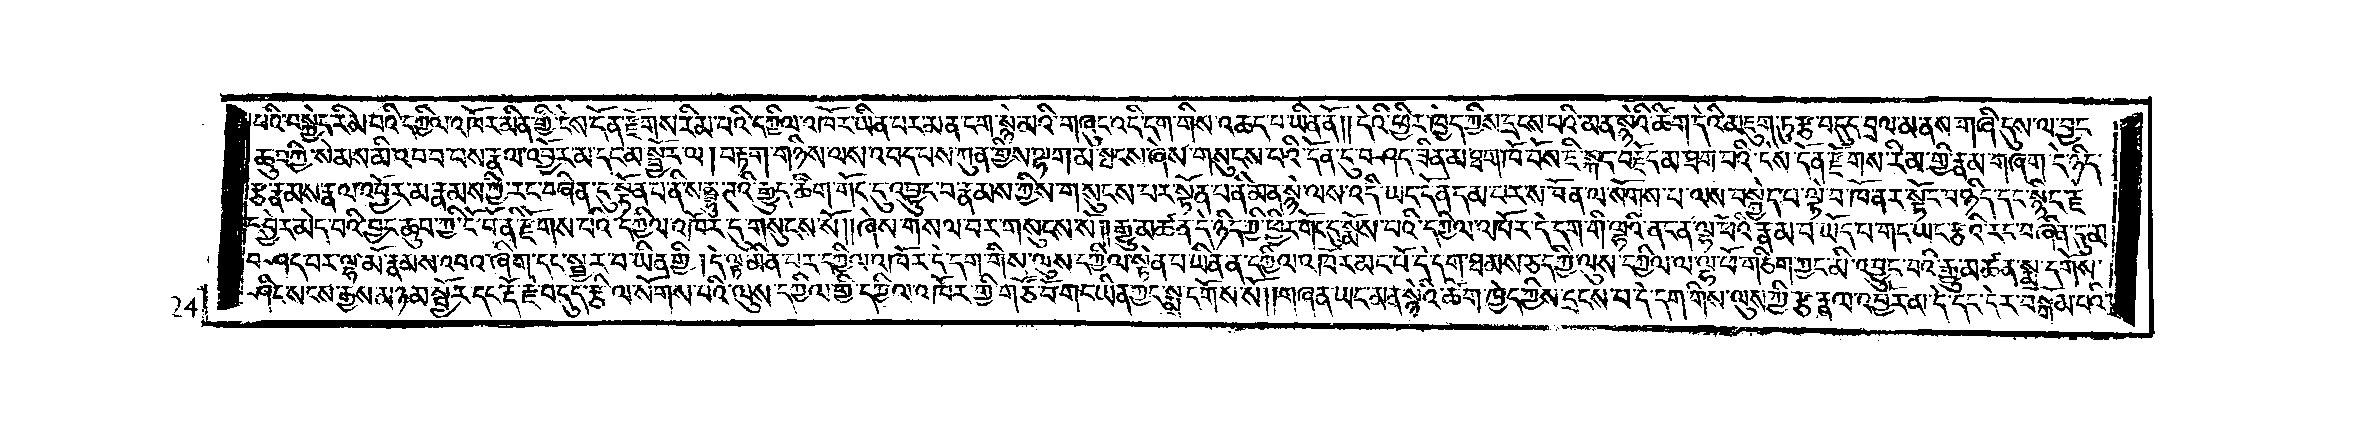པའི་བསྐྱེད་རིམ་པའི་དཀྱིལ་འཁོར་མིན་གྱི་ངེས་དོན་རྫོགས་རིམ་པའི་དཀྱིལ་འཁོར་ཡིན་པར་མན་ངག་སྙེ་མའི་གཞུང་འདི་དག་གིས་འཆད་པ་ཡིན་ནོ། །དེའི་ཕྱིར་ཁྱེད་ཀྱིས་དྲངས་པའི་མན་སྙེའི་ཚིག་དེའི་མཇུག་ཏུ་རྩ་བདུད་བྲལ་མ་ནས་གཞི་དུས་ལ་བྱང་
ཆུབ་ཀྱི་སེམས་མི་འབབ་པས་རྣལ་འབྱོར་མ་དང་མ་སྦྱོར་ལ། བརྟག་གཉིས་ལས་འབད་པས་ཀུན་གྱིས་ལྷག་མ་སྤངས་ཞེས་གསུངས་པའི་དོན་དུ་བཤད་ཟིན་མ་ཐག་ཁོ་བོས་ཇི་སྐད་བརྗོད་མ་ཐག་པའི་ངེས་དོན་རྫོགས་རིམ་གྱི་རྣམ་གཞག་དེ་ཉིད་
རྩ་རྣམས་རྣལ་འབྱོར་མ་རྣམས་ཀྱི་རང་བཞིན་དུ་སྟོན་པ་ནི་སནྦྷུ་ཊའི་རྒྱུད་ཚིག་གོང་དུ་འབྱུང་བ་རྣམས་ཀྱིས་གསུངས་པར་སྟོན་པ་ནི་མན་སྙེ་ལས་འདི་ཡང་དོན་དམ་པར་ས་བོན་ལ་སོགས་པ་ལས་བསྐྱེད་པ་ལྟེ་བ་ཁོ་ནར་སྟོང་པ་ཉིད་དང་སྙིང་རྗེ་
དབྱེར་མེད་པའི་བྱང་ཆུབ་ཀྱི་ངོ་བོ་ནི་རྫོགས་པའི་དཀྱིལ་འཁོར་དུ་གསུངས་སོ། །ཞེས་གསལ་བར་གསུངས་སོ། །རྒྱུ་མཚན་དེ་ཉིད་ཀྱི་ཕྱིར་གོང་དུ་སྨོས་པའི་དཀྱིལ་འཁོར་དེ་དག་གི་ལྷའི་ནང་ན་ལྷ་ཕོའི་རྣམ་པ་ཡོད་པ་གང་ཡང་རྩའི་རང་བཞིན་དུ་མ་
བཤད་པར་ལྷ་མོ་རྣམས་འབའ་ཞིག་དང་སྦྱར་བ་ཡིན་གྱི། དེ་ལྟ་མིན་པར་དཀྱིལ་འཁོར་དེ་དག་གིས་ལུས་དཀྱིལ་སྟེན་པ་ཡིན་ན་དཀྱིལ་འཁོར་མང་པོ་དེ་དག་ཐམས་ཅད་ཀྱི་ལུས་དཀྱིལ་ལ་ལྷ་ཕོ་གཅིག་ཀྱང་མི་འབྱུང་བའི་རྒྱུ་མཚན་སྨྲ་དགོས་
ཕ༹ཤིང་སངས་རྒྱས་མཉམ་སྦྱོར་དང་རྡོ་རྗེ་བདུད་རྩི་ལ་སོགས་པའི་ལུས་དཀྱིལ་གྱི་དཀྱིལ་འཁོར་གྱི་གཙོ་བོ་གང་ཡིན་ཀྱང་སྨྲ་དགོས་སོ། །གཞན་ཡང་མན་སྙེའི་ཚིག་ཁྱེད་ཀྱིས་དྲངས་བ་དེ་དག་གིས་ལུས་ཀྱི་རྩ་རྣལ་འབྱོར་མ་དེ་དང་དེར་བསྒོམ་པའི་